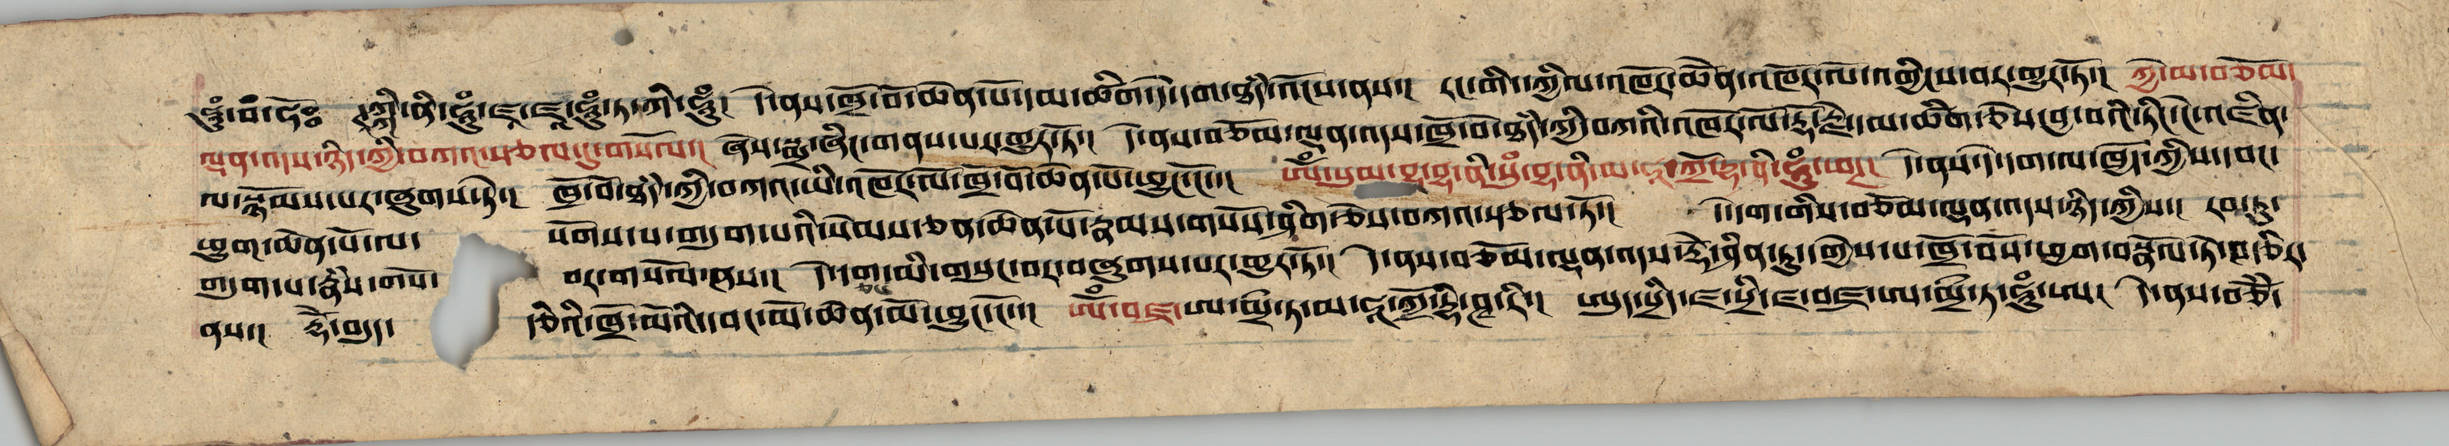ཧཱུཾ་བཾ་ཧོཿ ཊཱཀྐི་ནི་ཧཱུཾ་ཛཱ་ཛཱ་ཧཱུཾ་ཏ་ཀི་ཧཱུཾ་ དེ་ནས་ཁྲོ་བོ་ཆེན་པོ་དམ་ཚིག་དེ་དག་ཐཾད་འོངས་ནས་། རང་གི་དཀྱིལ་འཁོར་ཆེནོ་འཁོར་ལོ་འགྱིངས་བར་གྱུར་ཏོ་། ཀྱེ་མ་བཅོམ་
ལྡན་འདས་ཉིད་ཀྱི་བཀའ་སྩལ་དུ་གསོལ་། ཞེས་སྨྲ་ཞིང་གནས་པར་གྱུར་ཏོ་། དེ་ནས་བཅོམ་ལྡན་འདས་ཁྲོ་བོ་ཐཾད་ཀྱི་བཀའི་འཁོར་ལོ་རྡོ་རྗེ་དམ་ཚིག་ཅེས་བྱ་བའི་ཏིང་ངེ་འཛིན་
ལ་སྙོམས་པར་ཞུགས་ཏེ་། ཁྲོ་བོ་ཐཾད་ཀྱི་བཀའ་ཡི་འཁོར་ལོ་ཁྲོ་བོ་ཆེན་པོ་ཕྱུང་ངོ་། ཨོཾ་སུམ་བྷ་བྷ་ནི་སུཾ་བྷ་ནི་མ་ཧཱ་ཀྲོ་དྷ་ནི་ཧཱུཾ་ཕཊ། དེ་ནས་དེ་དག་ལ་ཁྱོད་ཀྱིས་དབང་
ཕྱུག་ཆེན་པོ་ལ་ སོགས་པ་གདུག་པའི་སེམས་ཅན་ཆེན་པོ་རྣམས་གསོས་ཤིག་ཅེས་བཀའ་སྩལ་ཏོ་། དེ་དག་གིས་བཅོམ་ལྡན་འདས་ཉིད་ཀྱིས་། རབ་ཏུ་
གདུག་པ་རྣཾས་གསོ་ བར་གསོལ་ནས་། དེ་དག་ཅང་མི་གསུང་བར་བཞུགས་པར་གྱུར་ཏོ་། དེ་ནས་བཅོམ་ལྡན་འདས་རྡོེ་ཤིན་ཏུ་དགྱེས་པ་ཁྲོ་བོས་ཕྱག་བསྣོལ་ཏེ་བརྩིར་
ནས་། རྡོེ་བདུད་ རྩིའི་ཁྲོ་མོའི་དབང་མོ་ཆེན་མོ་ཕྱུང་ངོ་་། ཨོཾ་བཛྲ་ཨ་མྲྀ་ཏ་མ་ཧཱ་ཀྲོ་ཌྷི་ཤྭ་རི་། ཨུད་སྲིད་ཛ་སྲི་ཛ་བཛྲ་ཨ་མྲྀ་ཏ་ཧཱུཾ་ཨ། དེ་ནས་བཅོཾ་